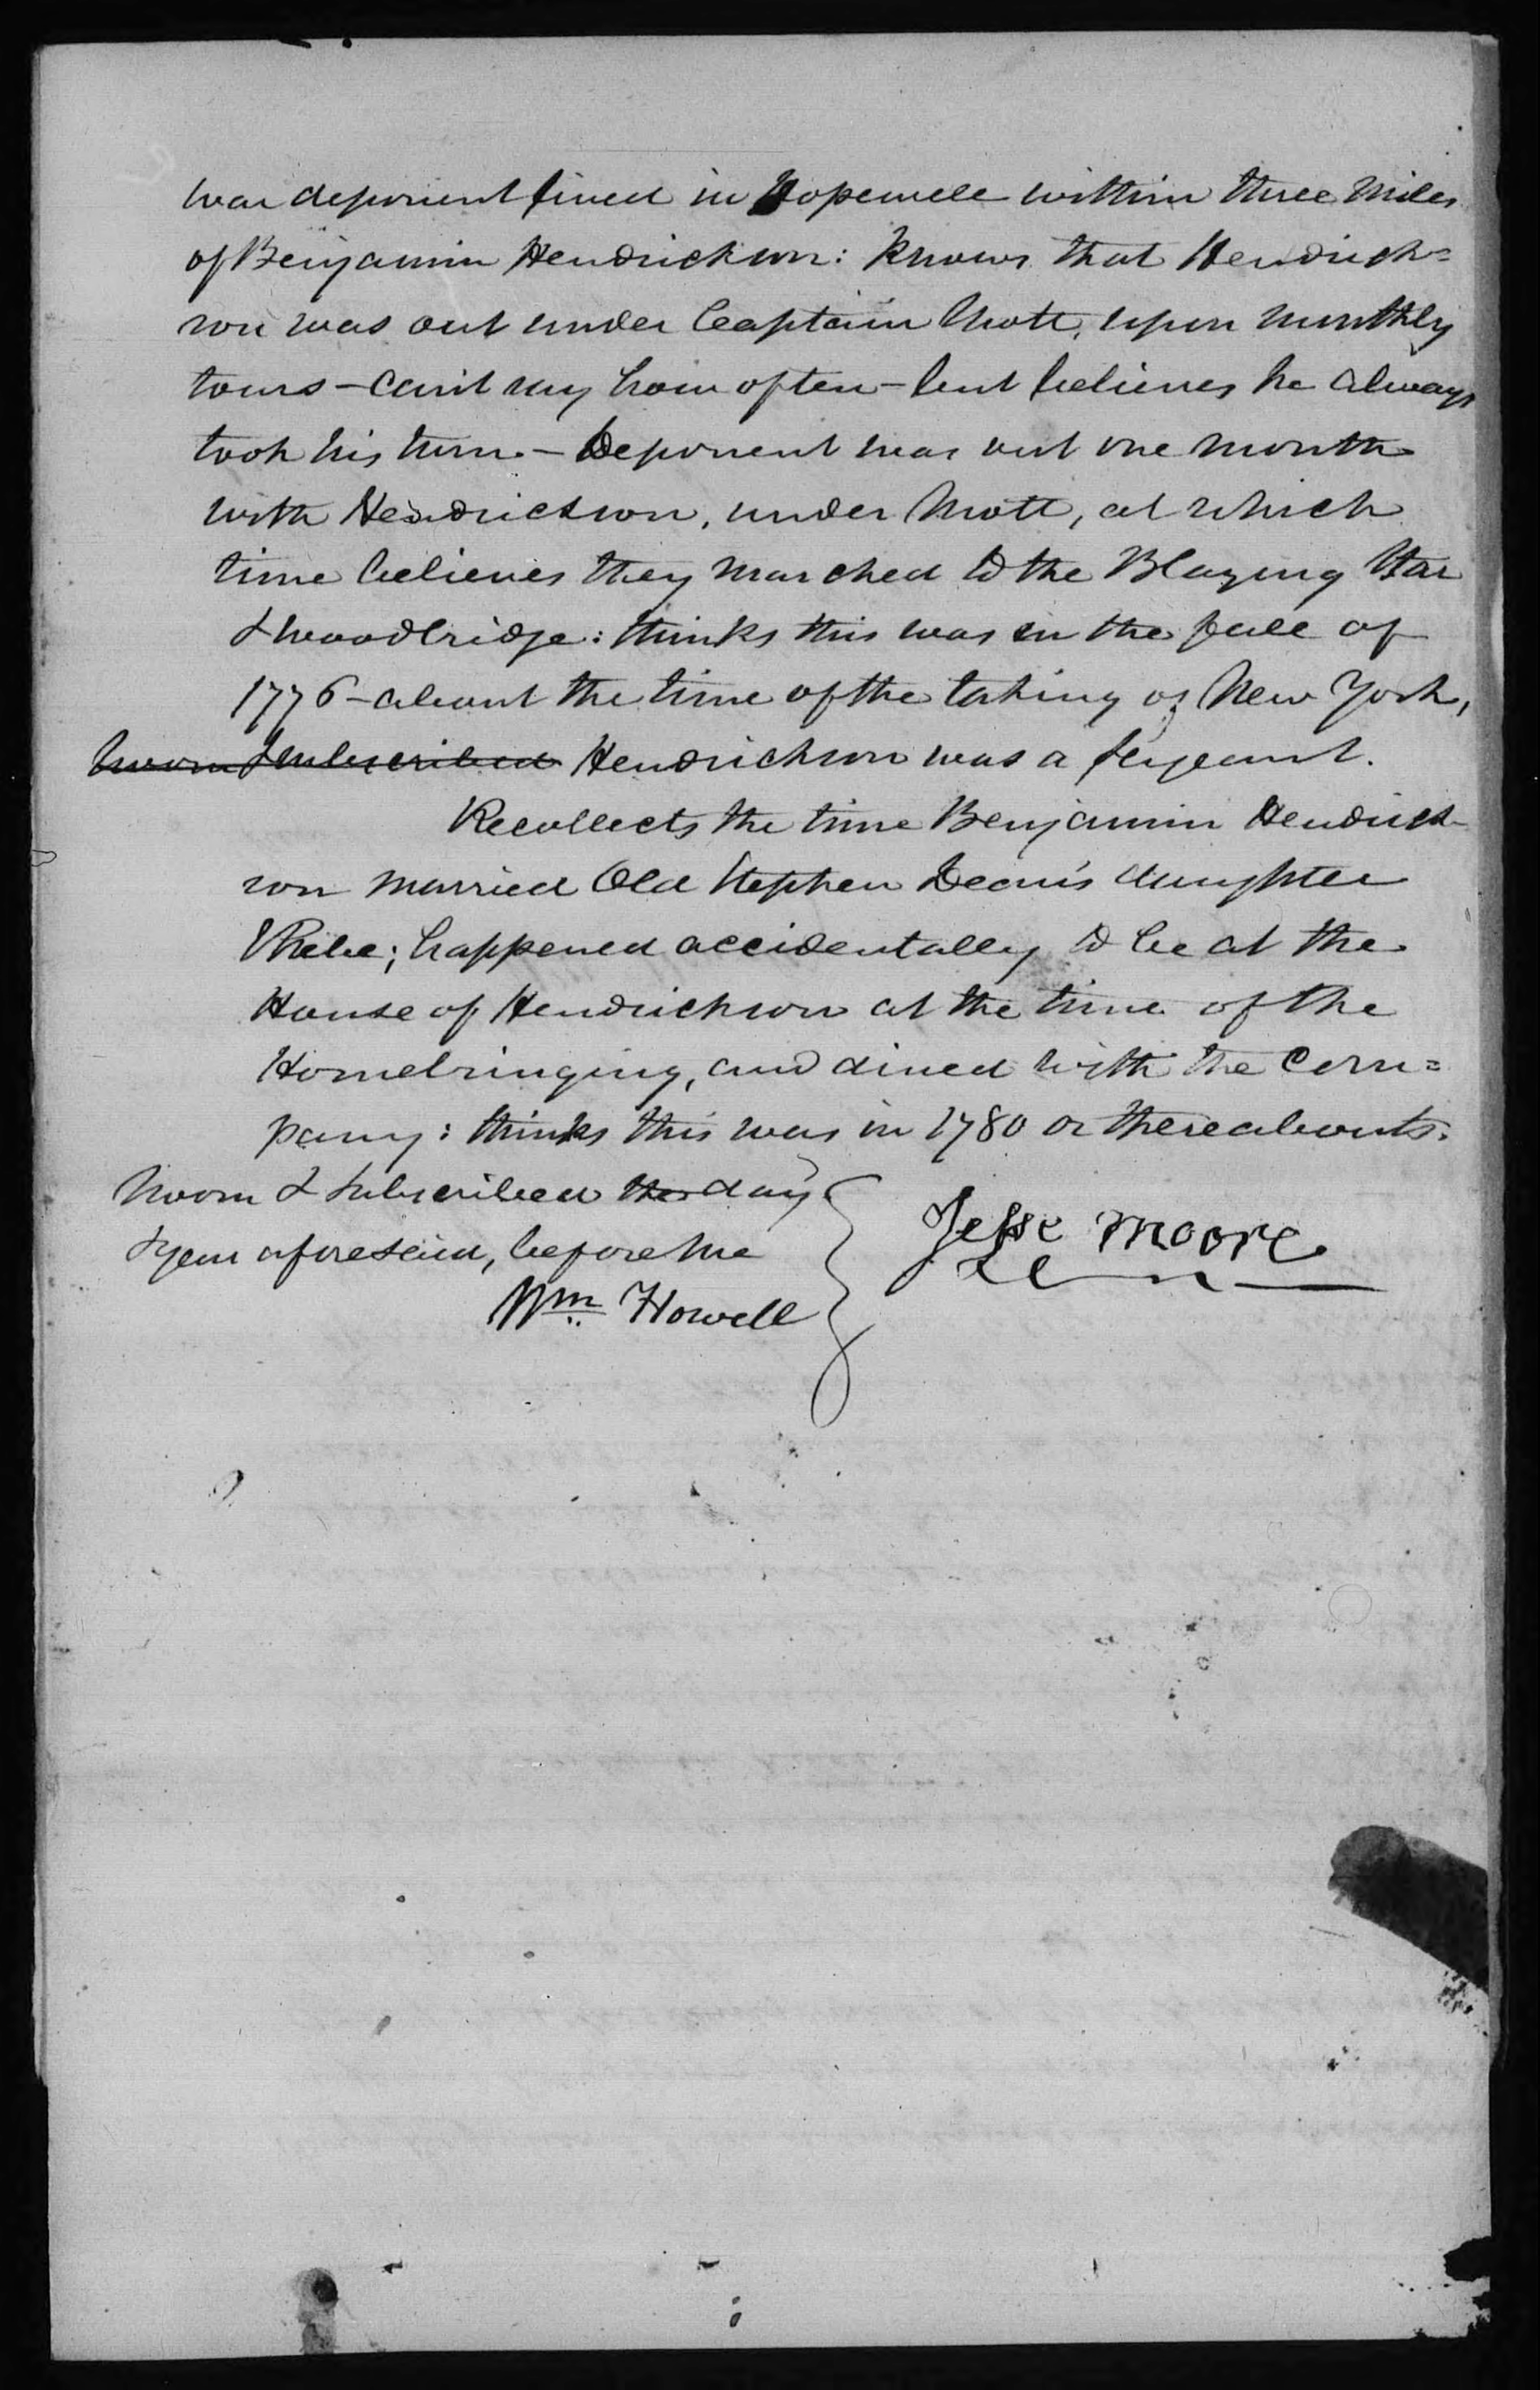war deponent lived in Hopewell within three miles of Benjamin Hendrickson: knows that Hendrickson was out under Captain Mott upon monthly tours - can't say how often - but believes he always took his turn. Deponent was out one month with Hendrickson, under Mott, at which time believes they marched to the Blazing Star & Woodbridge: thinks this was in the fall of 1776 - about the time of the taking of New York. Hendrickson was a Sergeant. Recollects the time Benjamin Hendrickson married Old Stephen Dean's daughter Phebe; happened accidentally to be at the House of Hendrickson at the time of Homebringing, and dined with the company; thinks this was in 1780 or thereabouts.
Jesse Moore

Sworn & subscribed the day}
& year aforesaid, before me}
Wm.. Howell}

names: Mott, Hendrickson, Benjamin Hendrickson, Hendrickson, Mott, Jesse Moore, Wm Howell, Hendrickson, Benjamin Hendrickson, Phebe, Stephen Dean, Hendrickson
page: 9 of 20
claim: rejected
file: R. 4884, Benjamin Hendrickson, New Jersey